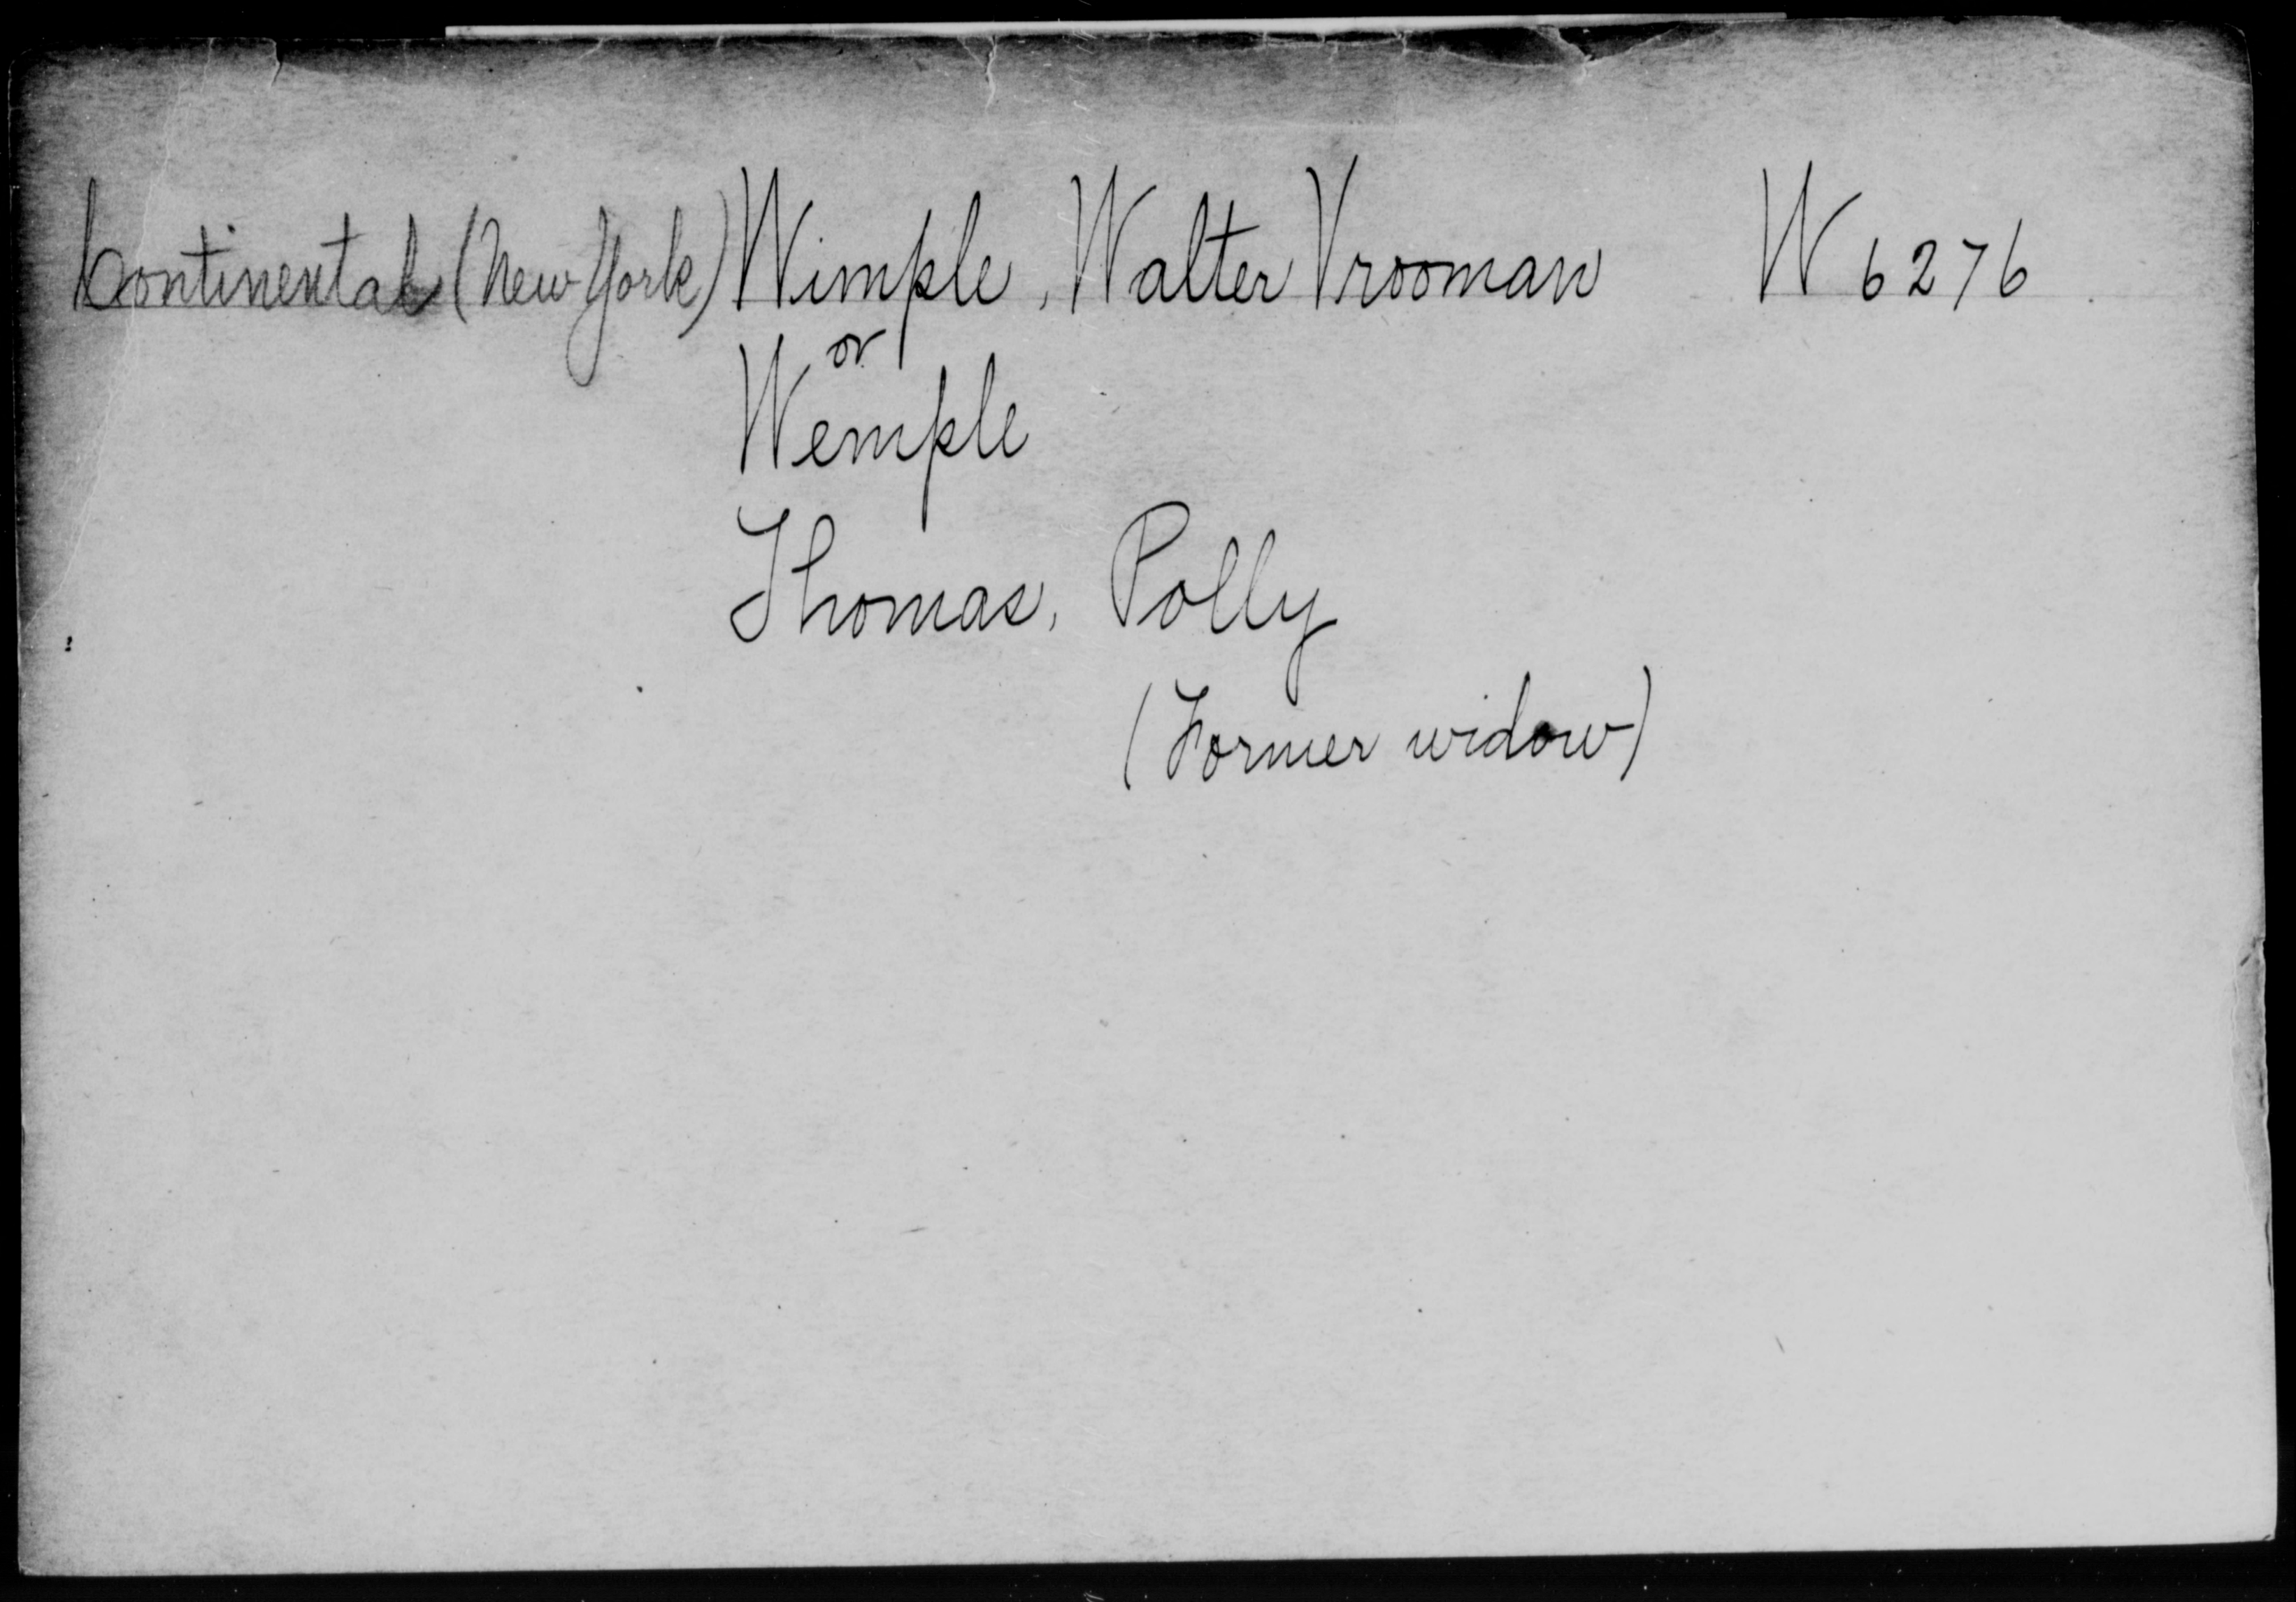Continental (New York)
Wimple, Walter Vrooman
or Wemple
Thomas, Polly
(Former widow)
W 6276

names: Walter Vroman Wemple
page: 1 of 1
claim: widow's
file: W 6276, Walter Vrooman Wimple, Continental (New York)